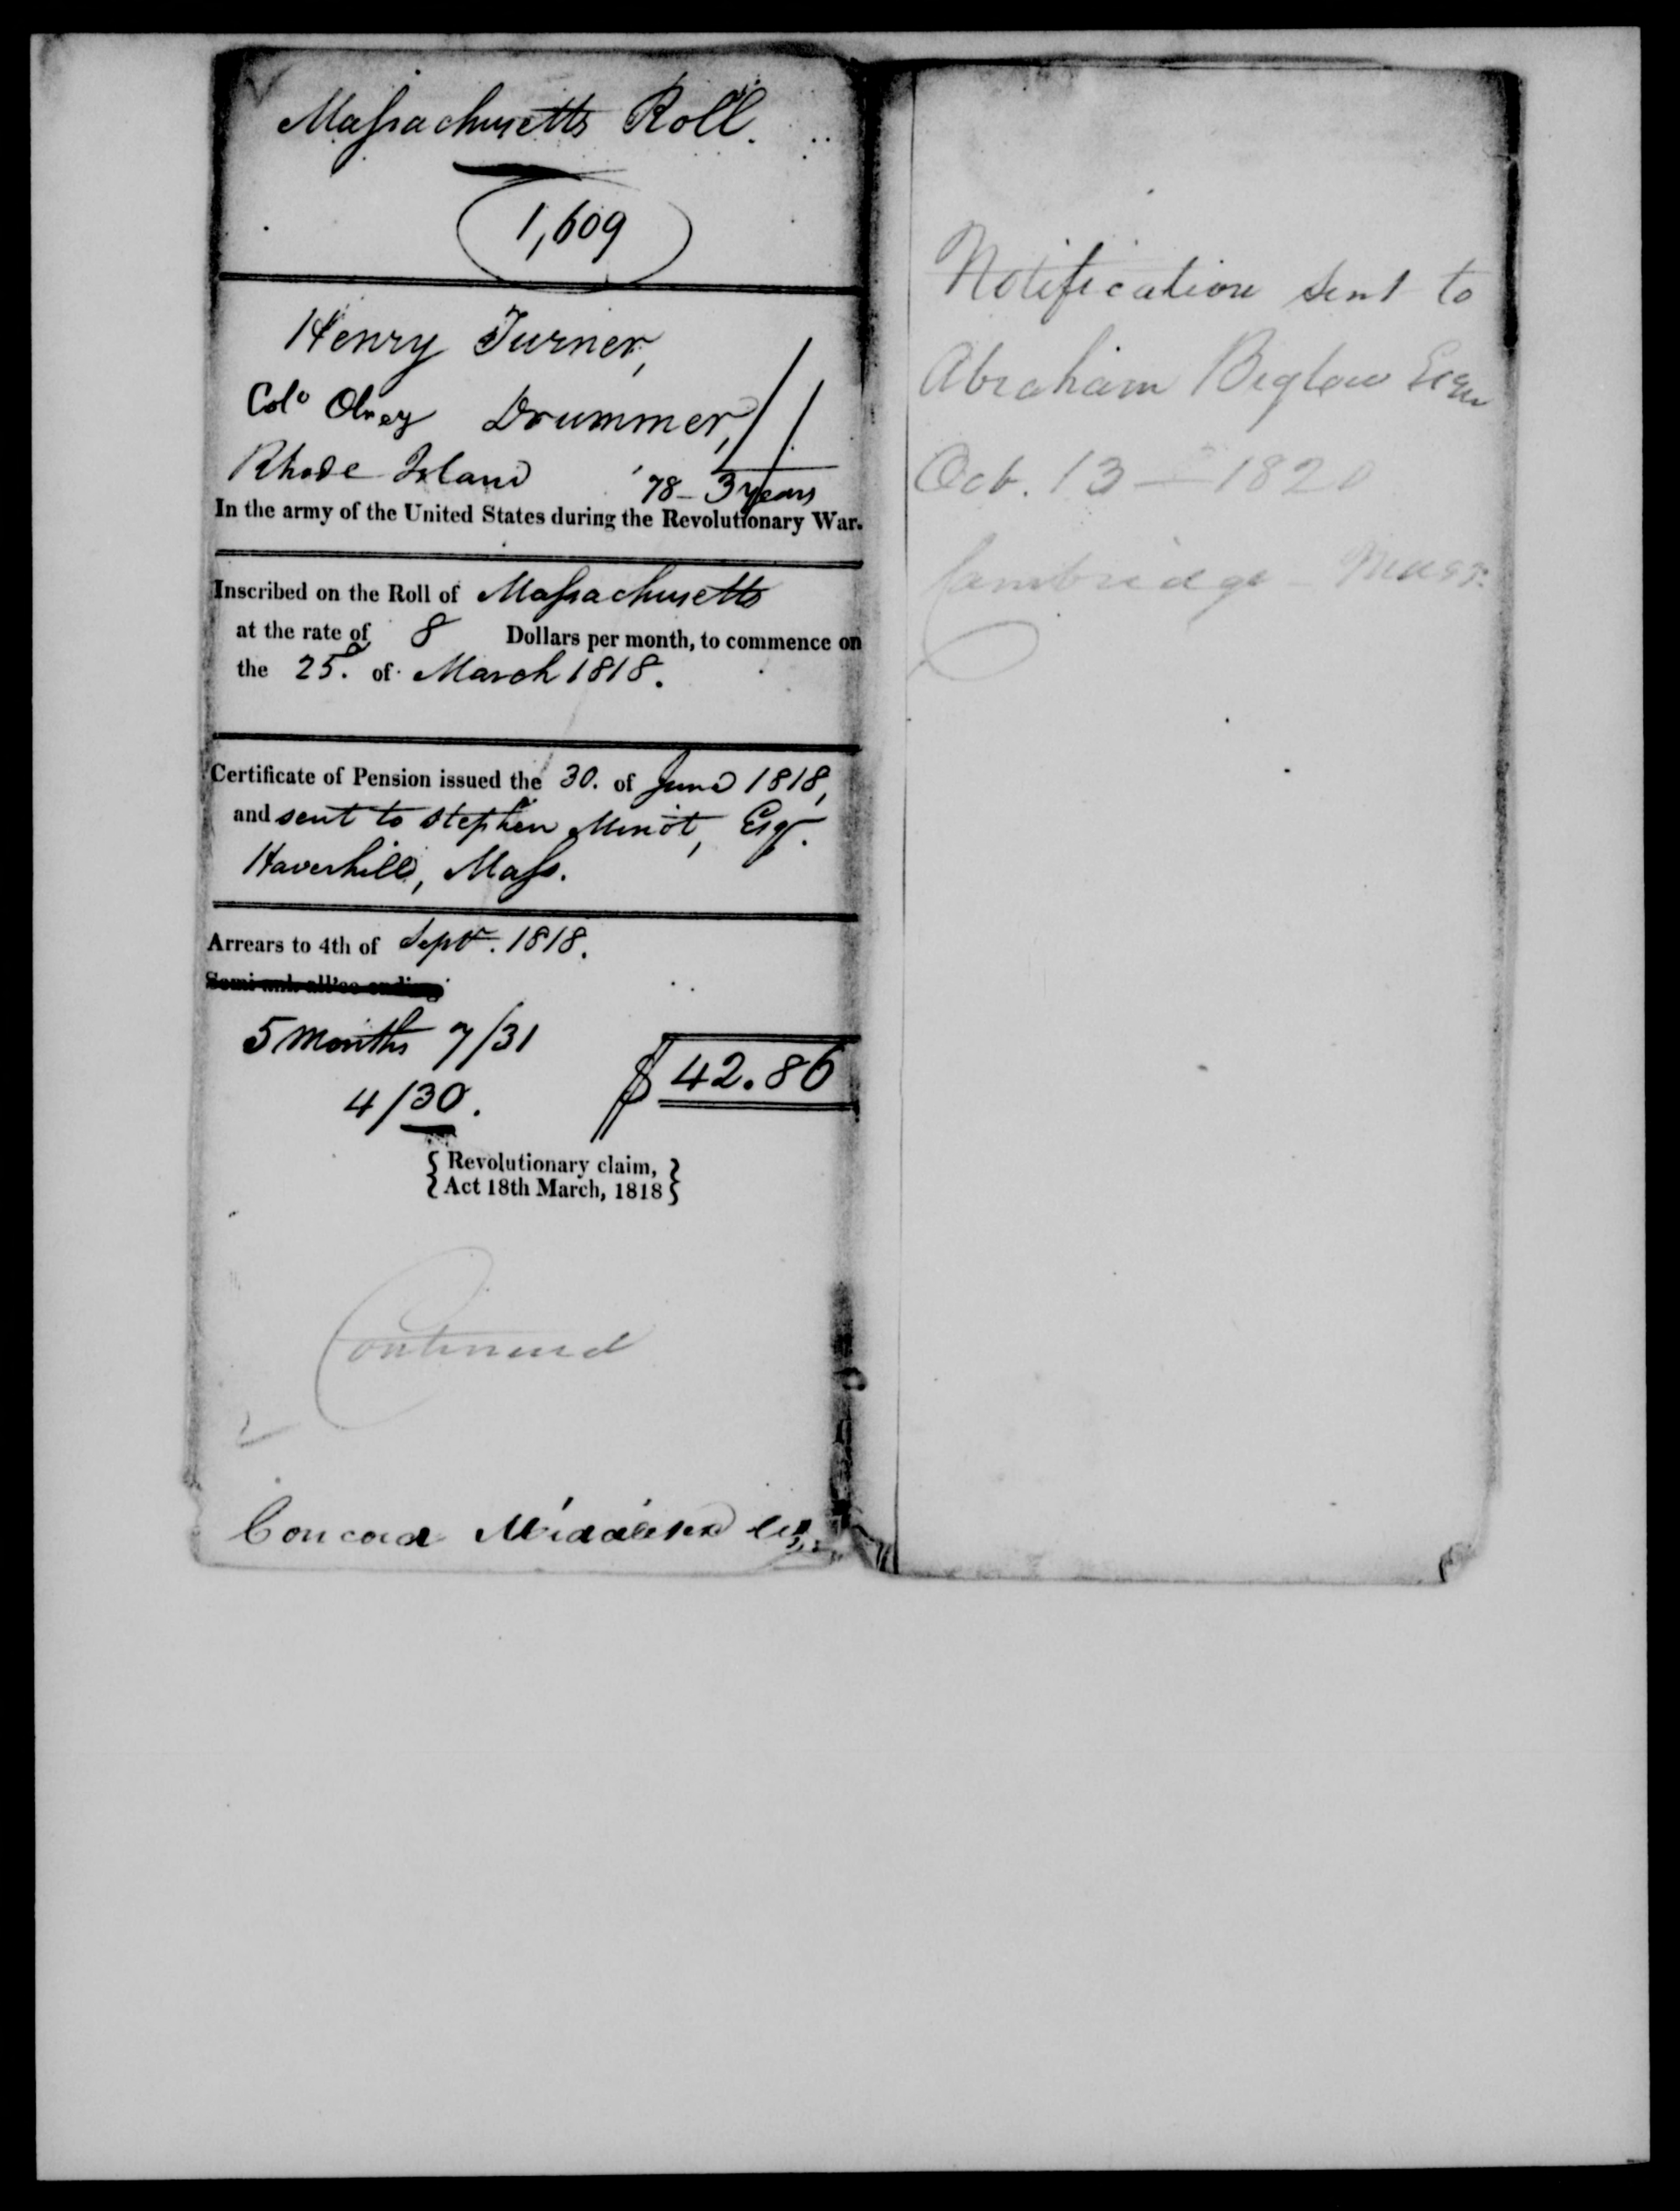[Left Page]

Massachusetts Roll
1,609 [circled]
-------------------------------

Henry Turner,
Col° Olvey Drummer
Rhode Island  '78 - 3 years
In the army of the United States during the Revolutionary War.
----------------------------------
Inscribed on the Roll of Massachusetts
at the rate of 8 Dollars per month, to commence on the 25 of March 1818.
----------------------------------
Certificate of Pension issued the 30. oof June 1818, and sent to Stephen Minot, Esq. Haverhill, Mass.
-----------------------------------
Arrears to 4th of Sept. 1818.
[one line crossed out]
5 months 7/31
4/30

$42.86 [border above and below]

{Revolutionary claim,}
{Act 18th March, 1818}


[Right Page]

Notification sent to Abraham Biglow Esq
Oct. 13 - 1820
Cambridge Mass.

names: Stephen Minot, Henry Turner, Olvey, Abraham Biglow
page: 2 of 11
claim: survivor's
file: S. 33842, Henry Turner, R.I.